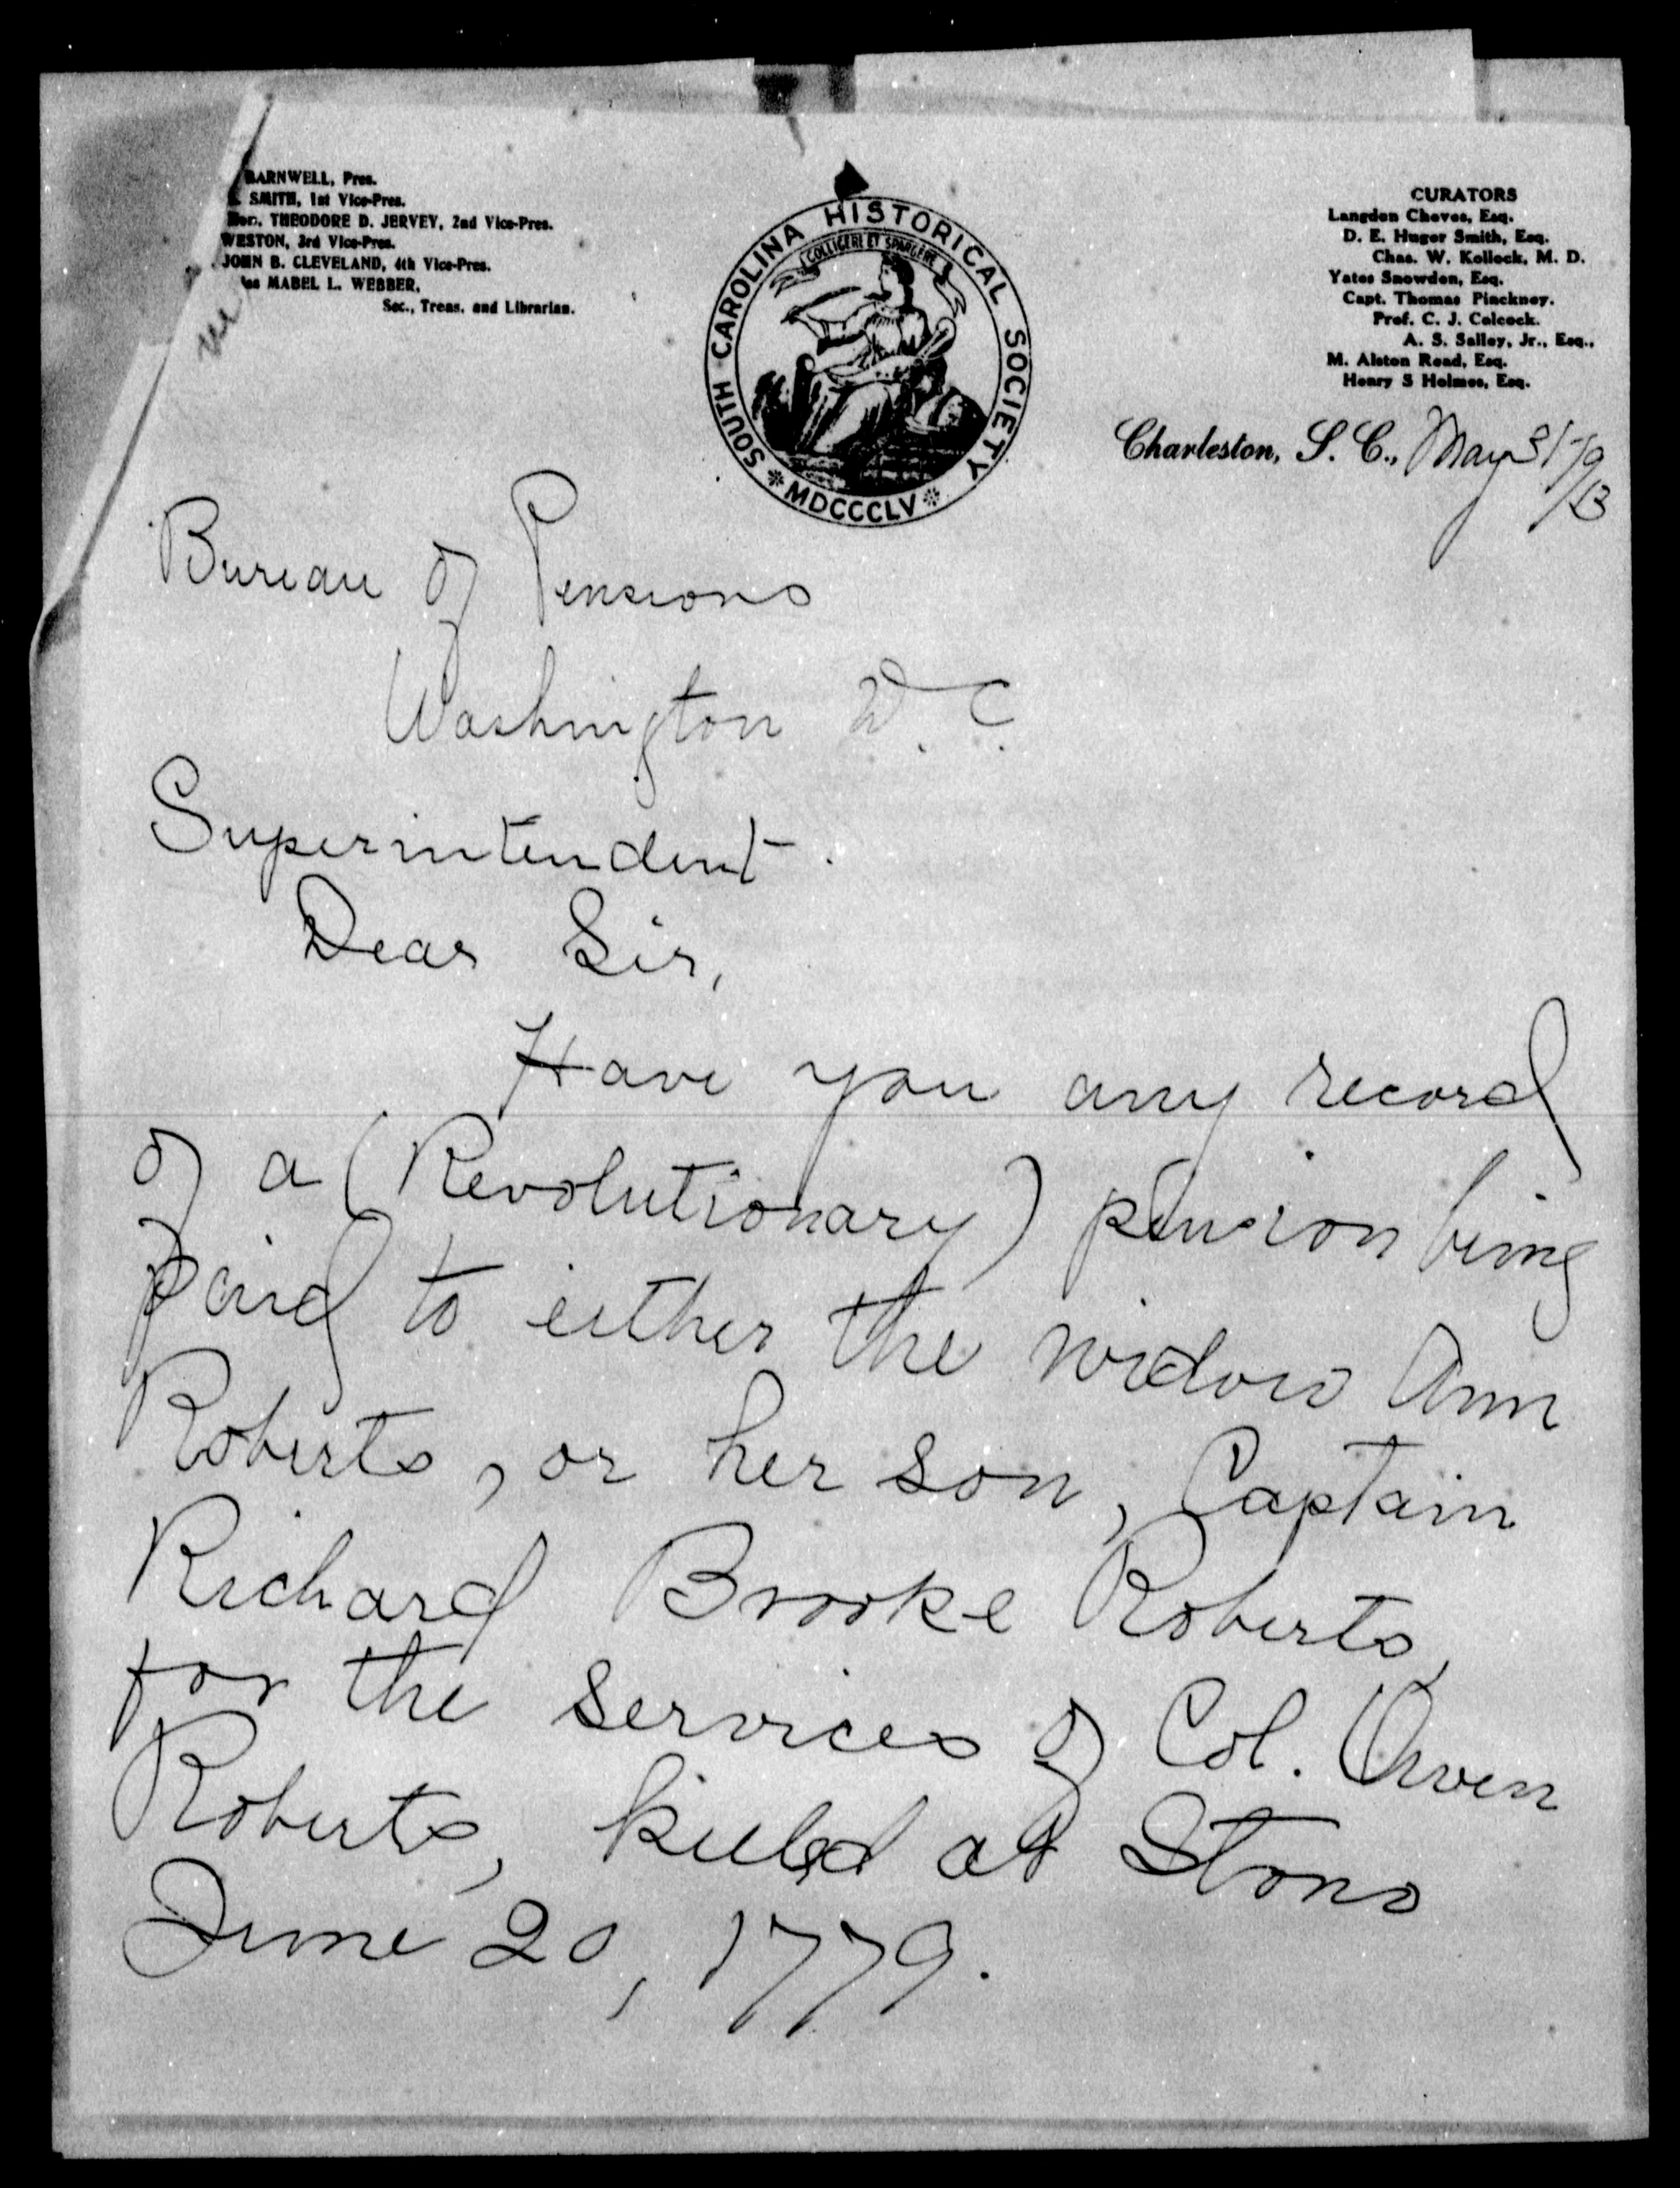BARNWELL, Pres.
[Illegible], 1st Vice-Pres.
[Illegible]. THEODORE D. JERVEY, 2nd Vice-Pres.
WESTON, 3rd Vice-Pres
JOHN B. CLEVELAND, 4th Vice-Pres
[Illegible] MABEL L. WEBBER.
Sec., Treas. and Librarian.

CURATORS
Langdon Chaves, Esq.
D. E. Huger Smith, Esq.
Chas. W. Kollock, M. D.
Yates Snowden, Esq.
Capt. Thomae Pinckney.
Prof. C. J. Calcock.
A. S. Salley, Jr., Esq.,
M. Aleton Read, Esq.
Henry S Holmes, Esq.

[Centered circle with SOUTH CAROLINA HISTORICAL SOCIETY MDCCCLV written around the border]
Charleston, S.C., May 31 1913

Bureau of Pensions
Washington D.C.
Superintendent
Dear Sir,
Have you any record of a (Revolutionary) pension being paid to either the widow Ann Roberts, or her son, Captain Richard Brooke Roberts, for the services of Col. Owen Roberts, killed at Stono June 20, 1779.
Dear Sir,
of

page: 54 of 59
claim: bounty land warrant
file: B.L.Wt. 2359-500, for Owen Roberts, South Carolina